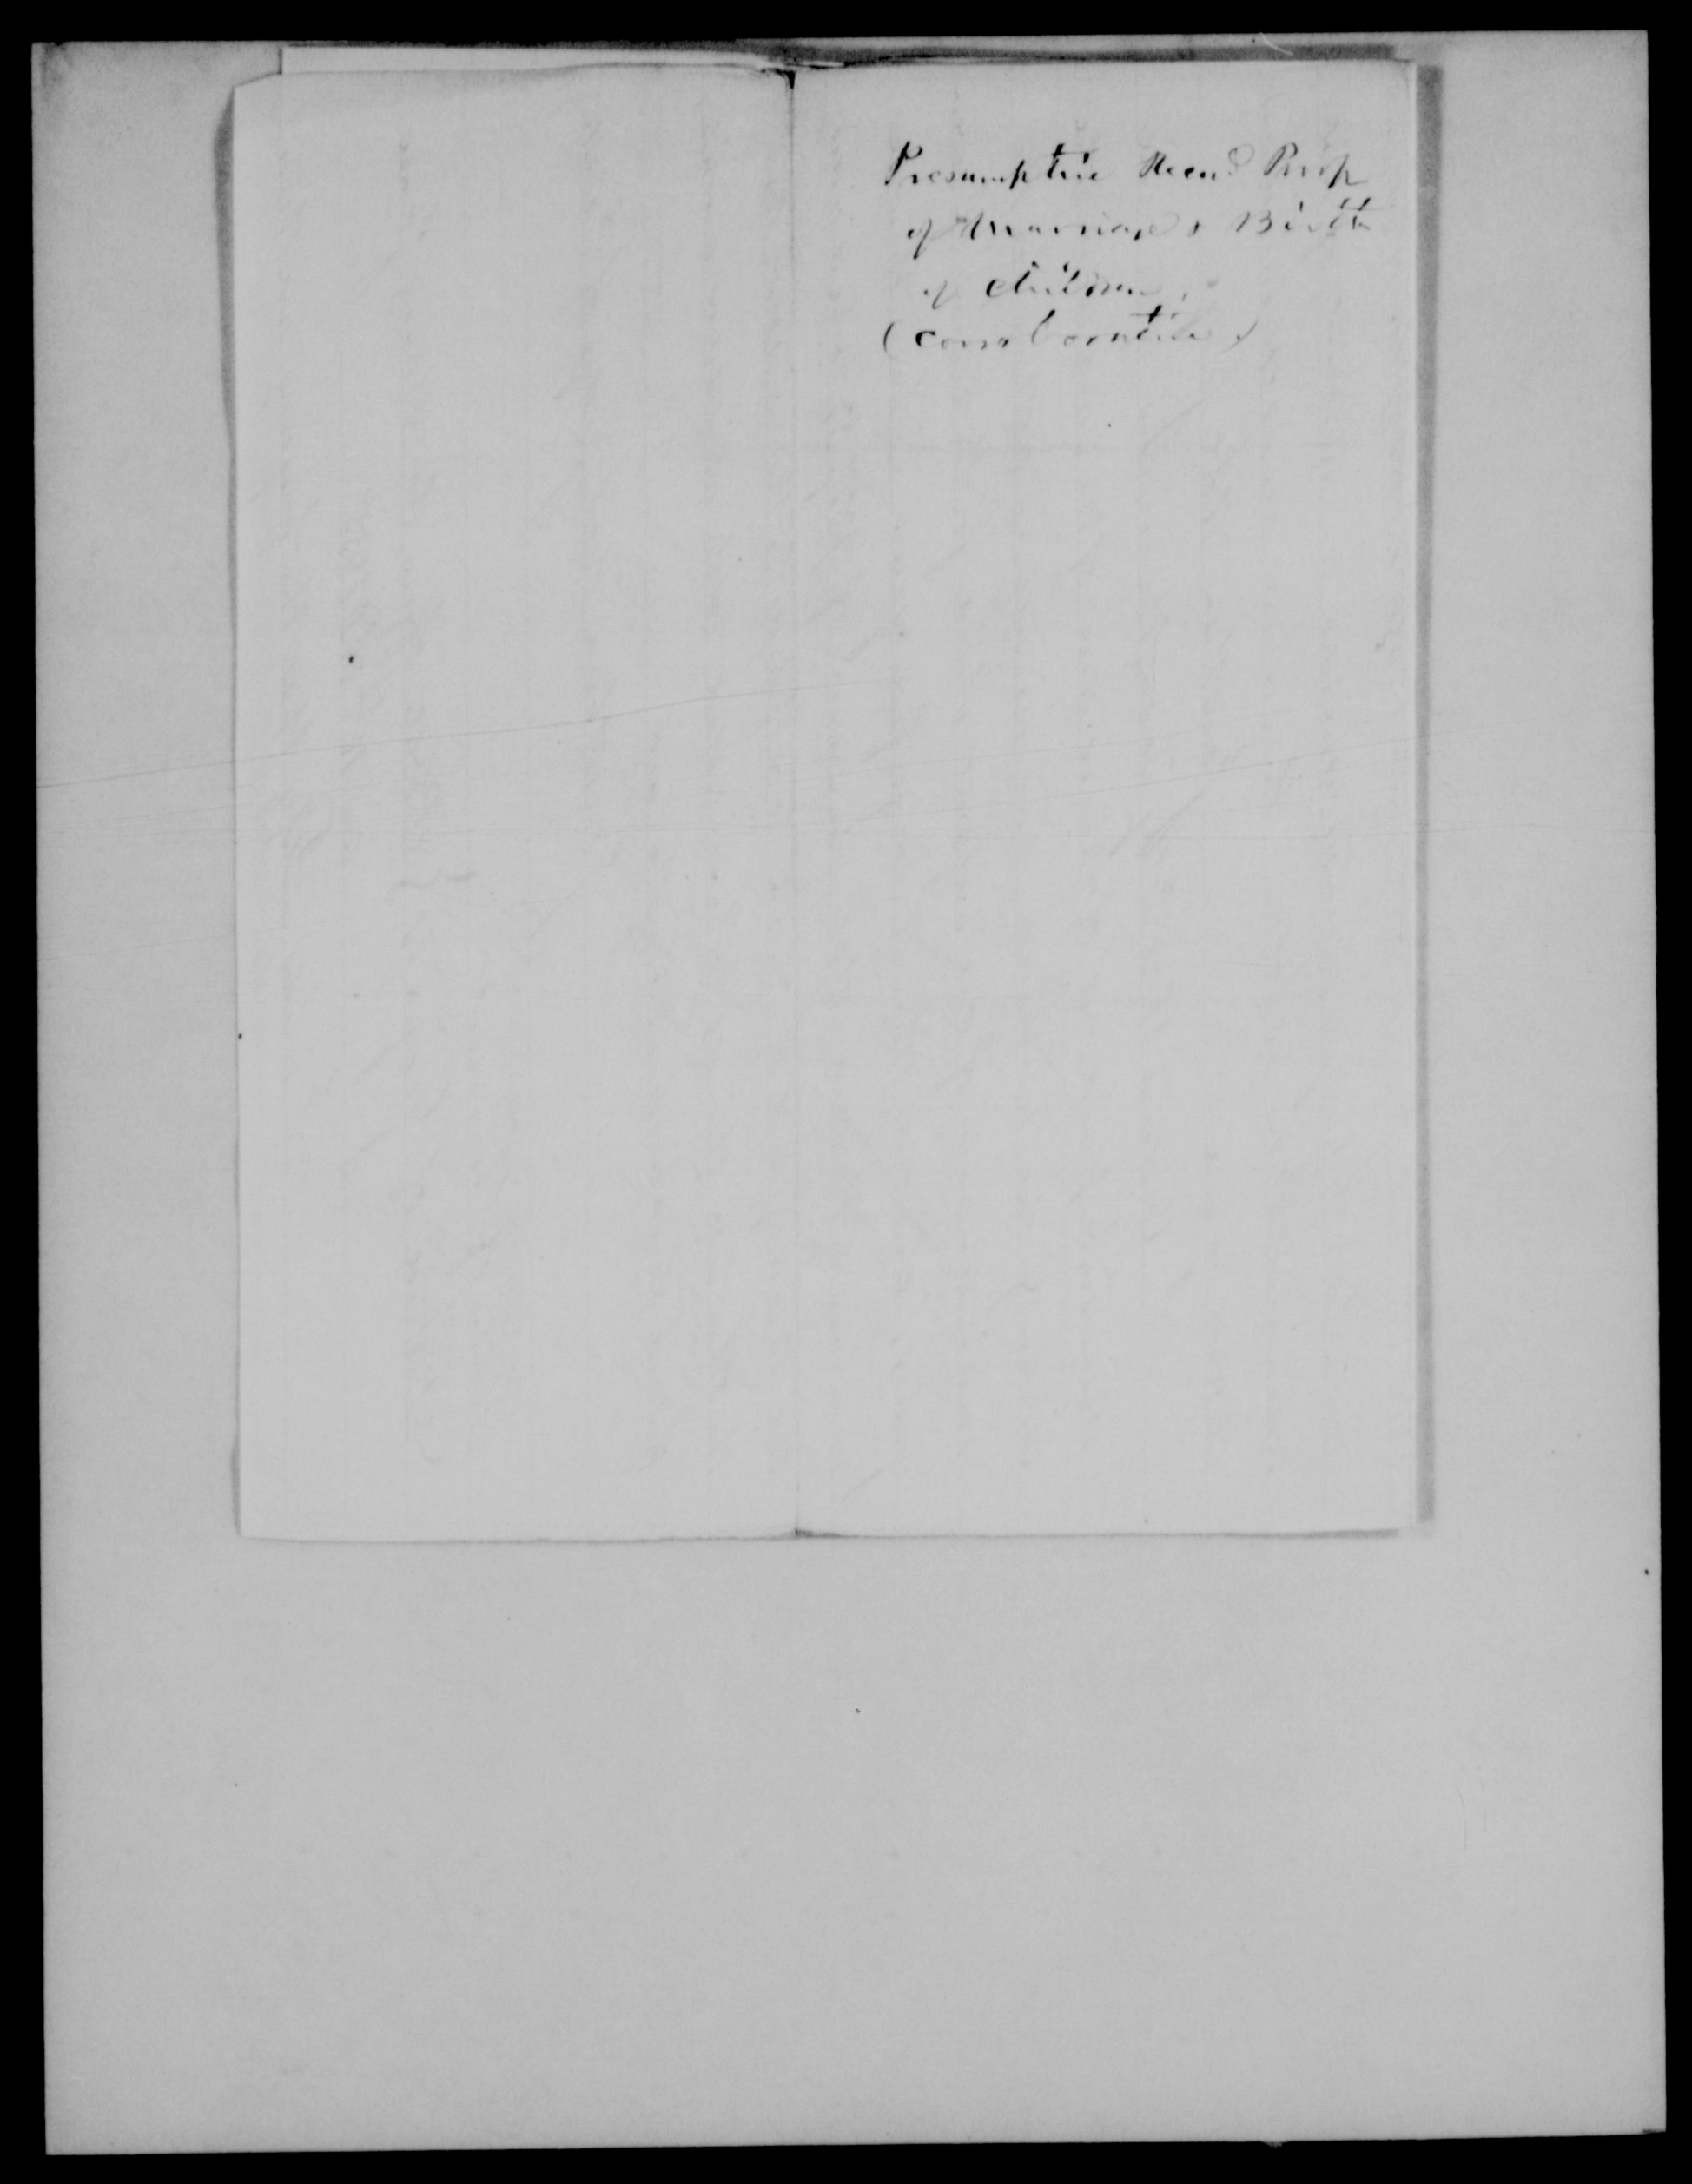Presumptive Record Proof of Marriages, Births of children
(Corroborations)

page: 51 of 64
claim: widow's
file: W. 5831, Edmund Town, Mass.